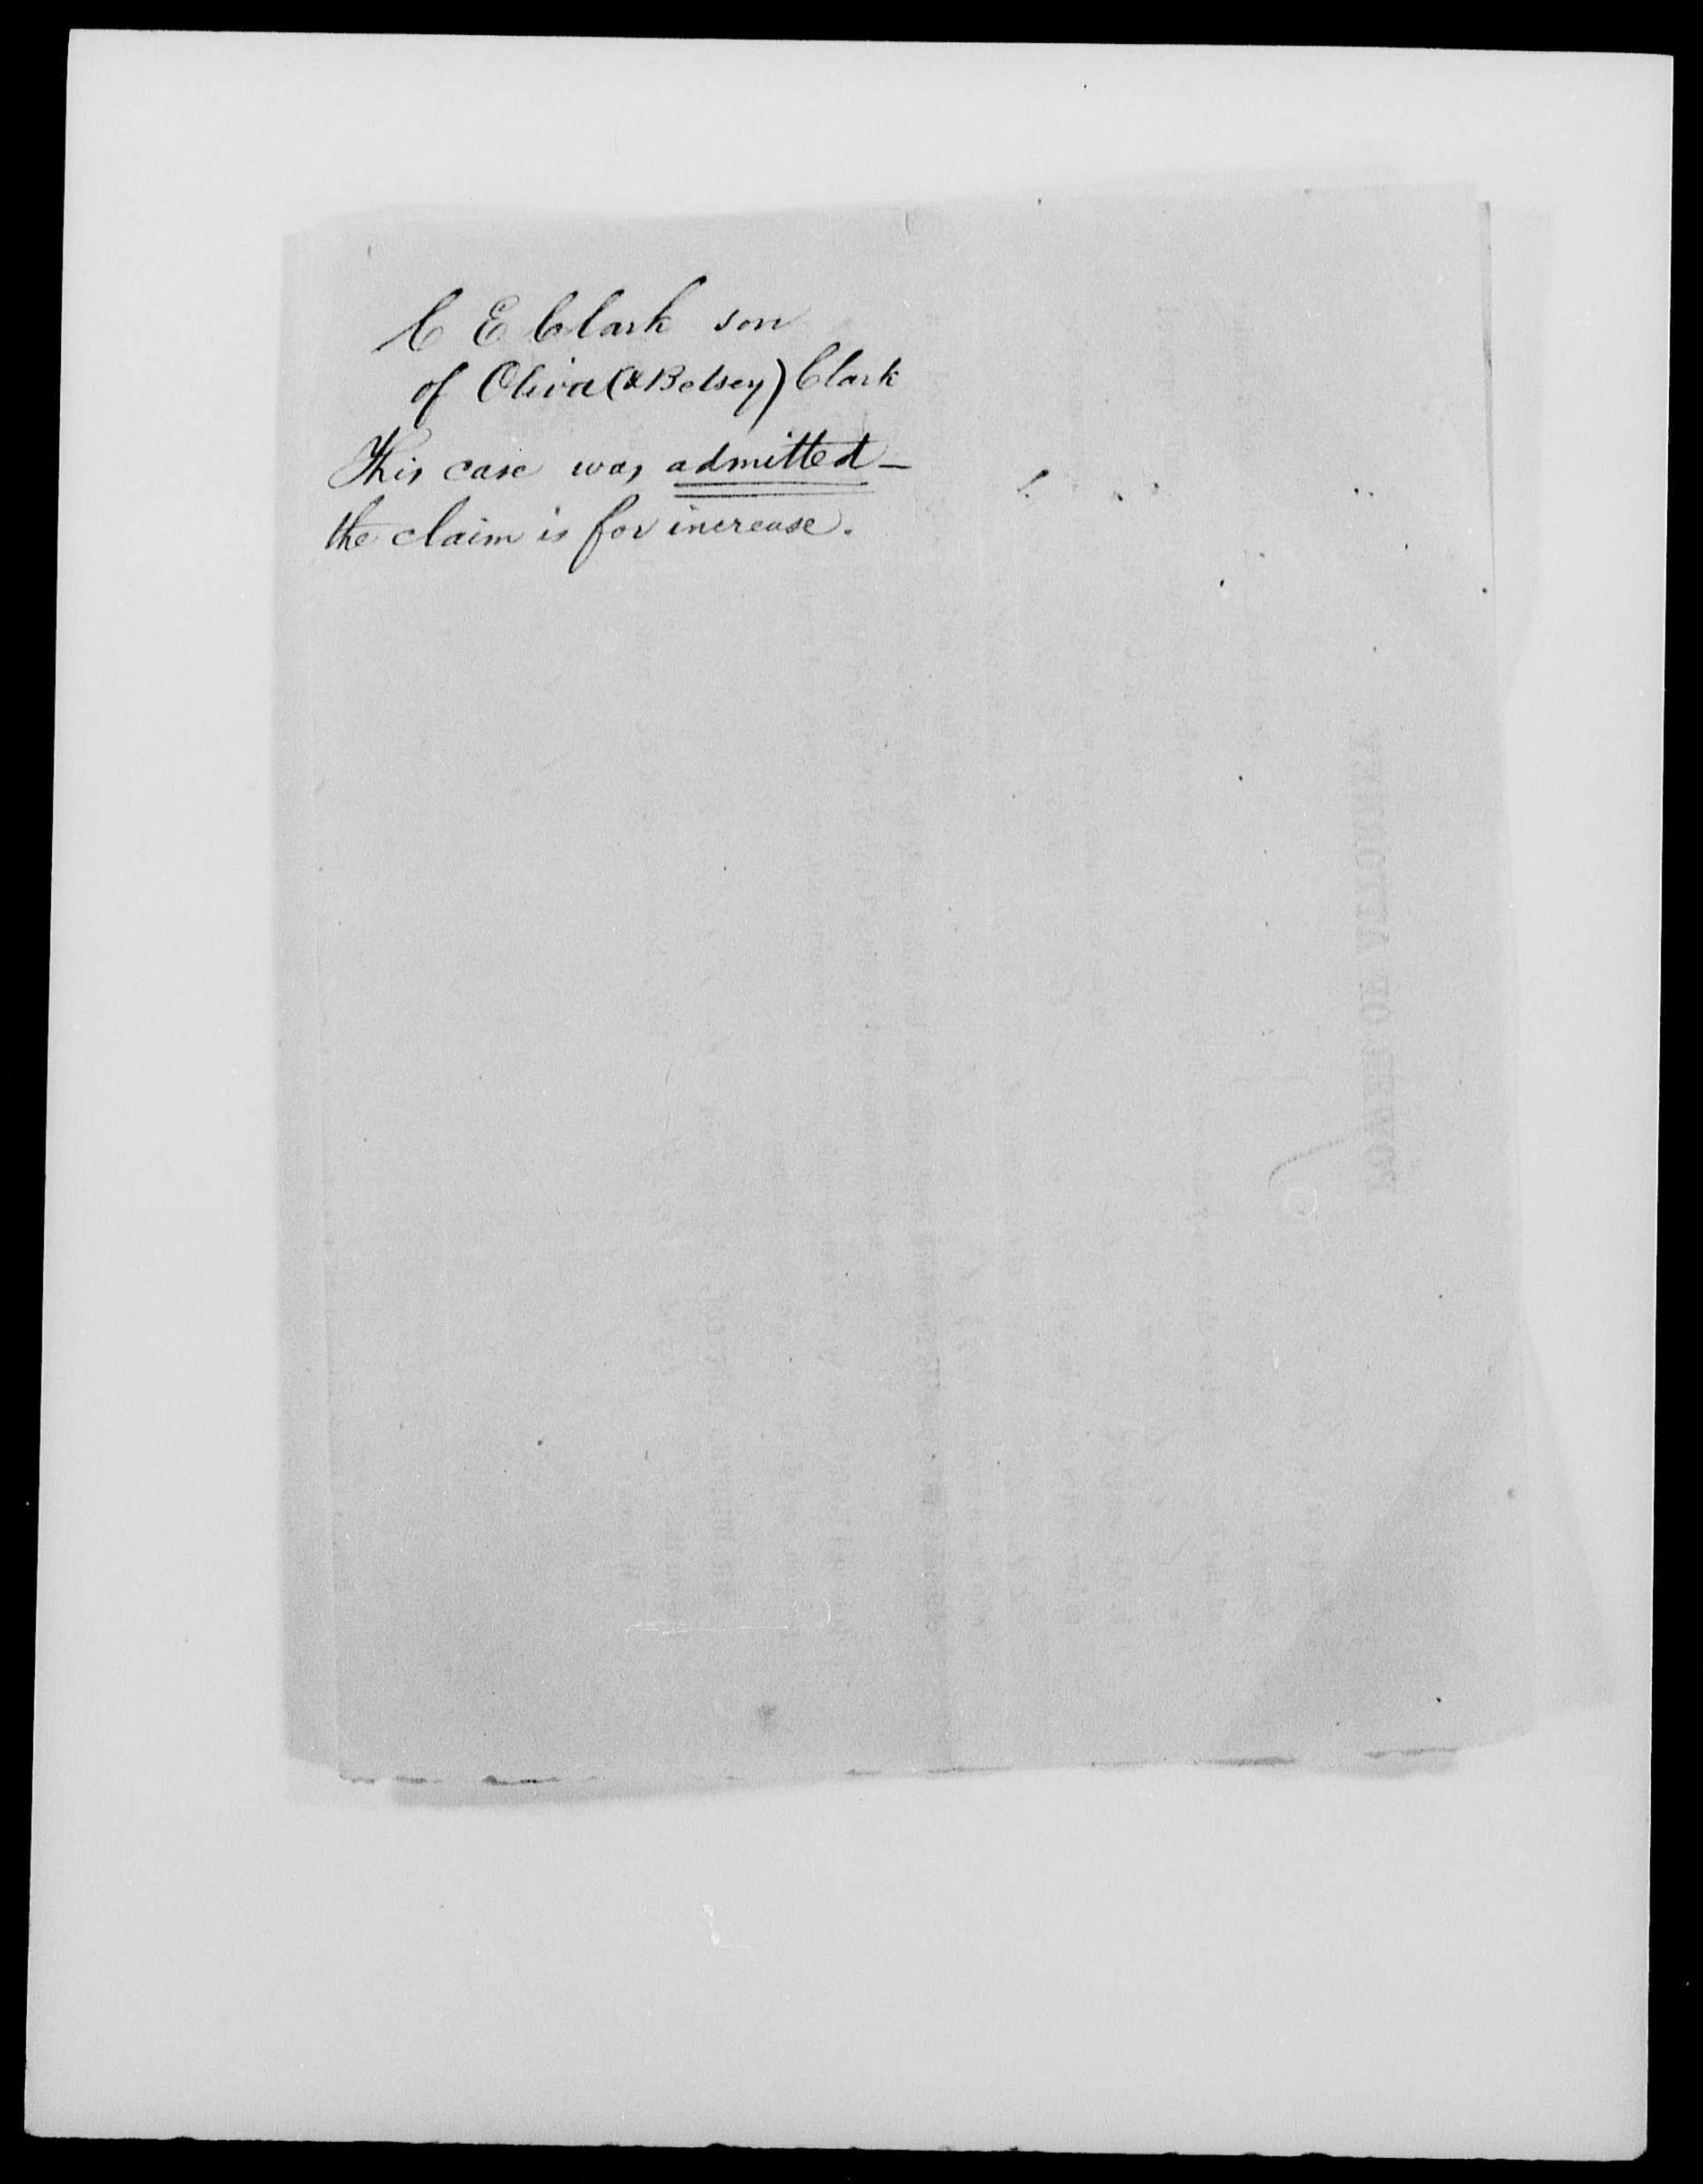C E Clark son
of Oliver (& Betsey) Clark
THis case was admitted - the claim is for increase.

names: Betsey Clark, Oliver Clark, C E Clark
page: 33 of 51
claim: widow's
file: W. 23816, Oliver Clark, Conn.